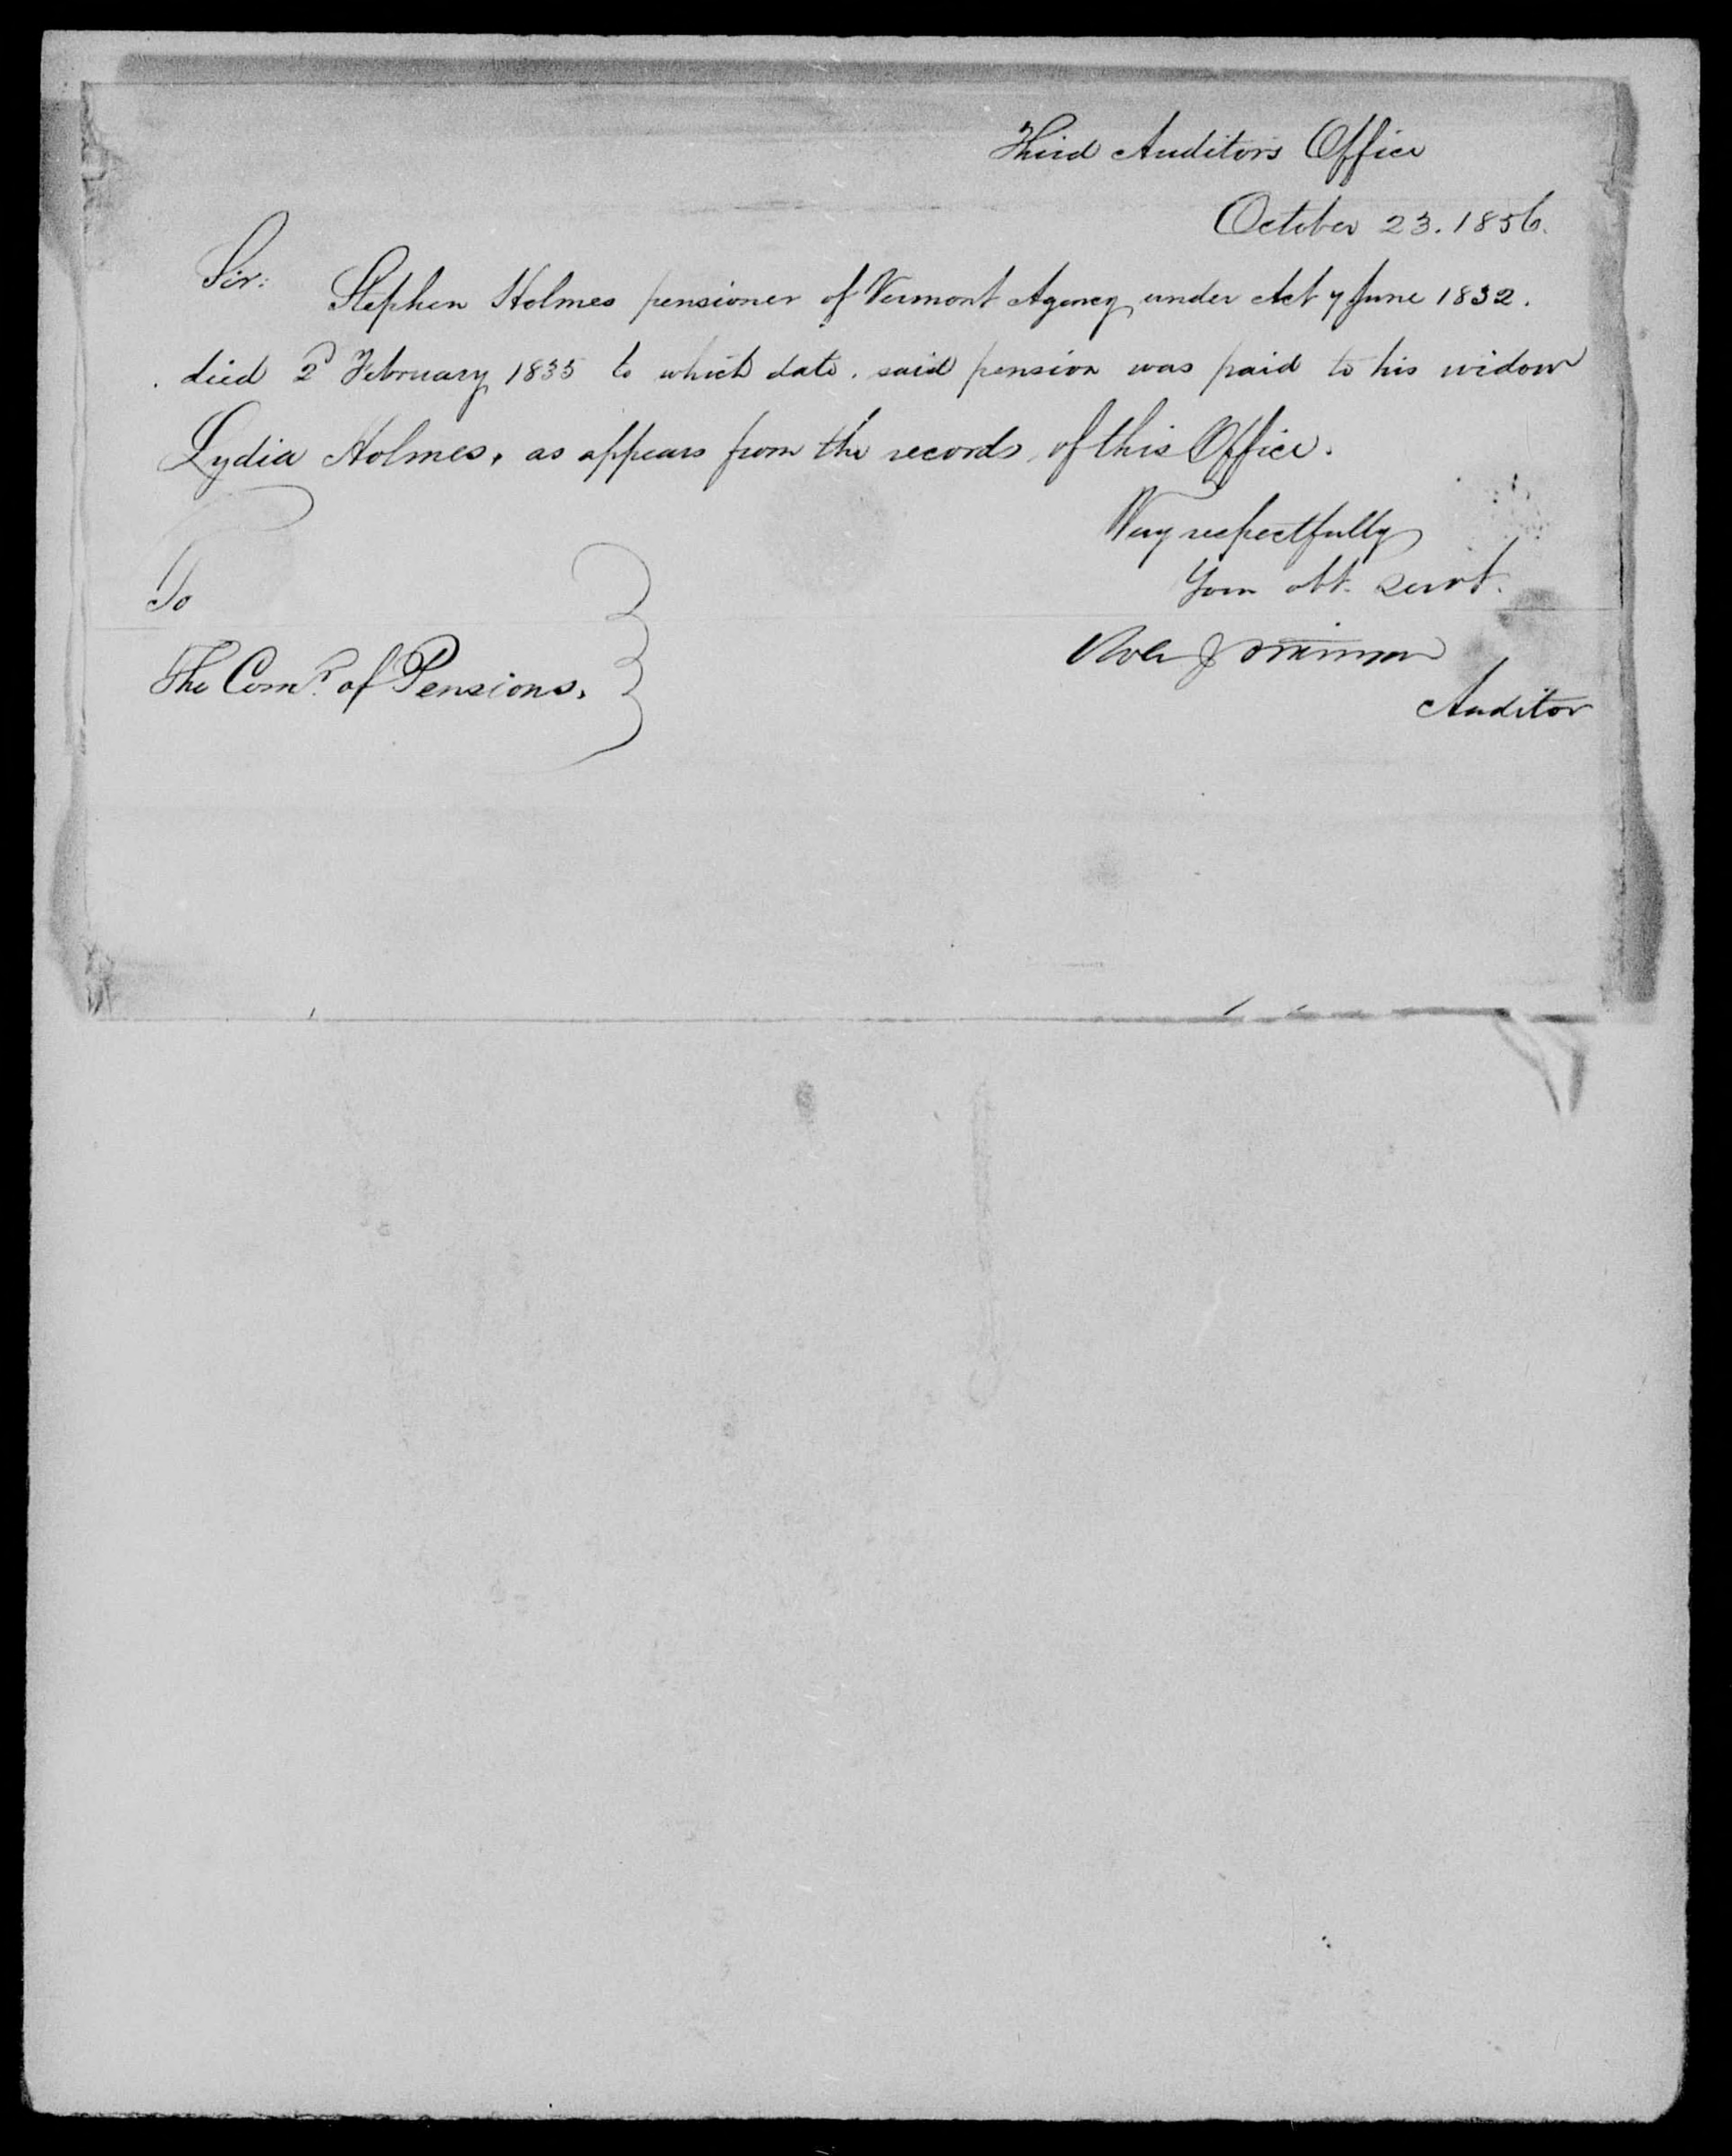Third Auditors Office
October 23, 1856

Sir. Stephen Holmes pensioner of Vermont Agency under Act of June 1832 died 2d February 1833 to which date, said pension was paid to his widow Lydia Holmes, as appears from the records of this Office.

Very respectfully
Your obt. servt
Rob J Atkinson
Auditor

[illegible]
The Court of Pensions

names: Rob J Atkinson, Stephen Holmes, Lydia Holmes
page: 31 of 72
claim: widow's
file: W. 7771, Stephen Holmes, Vt.